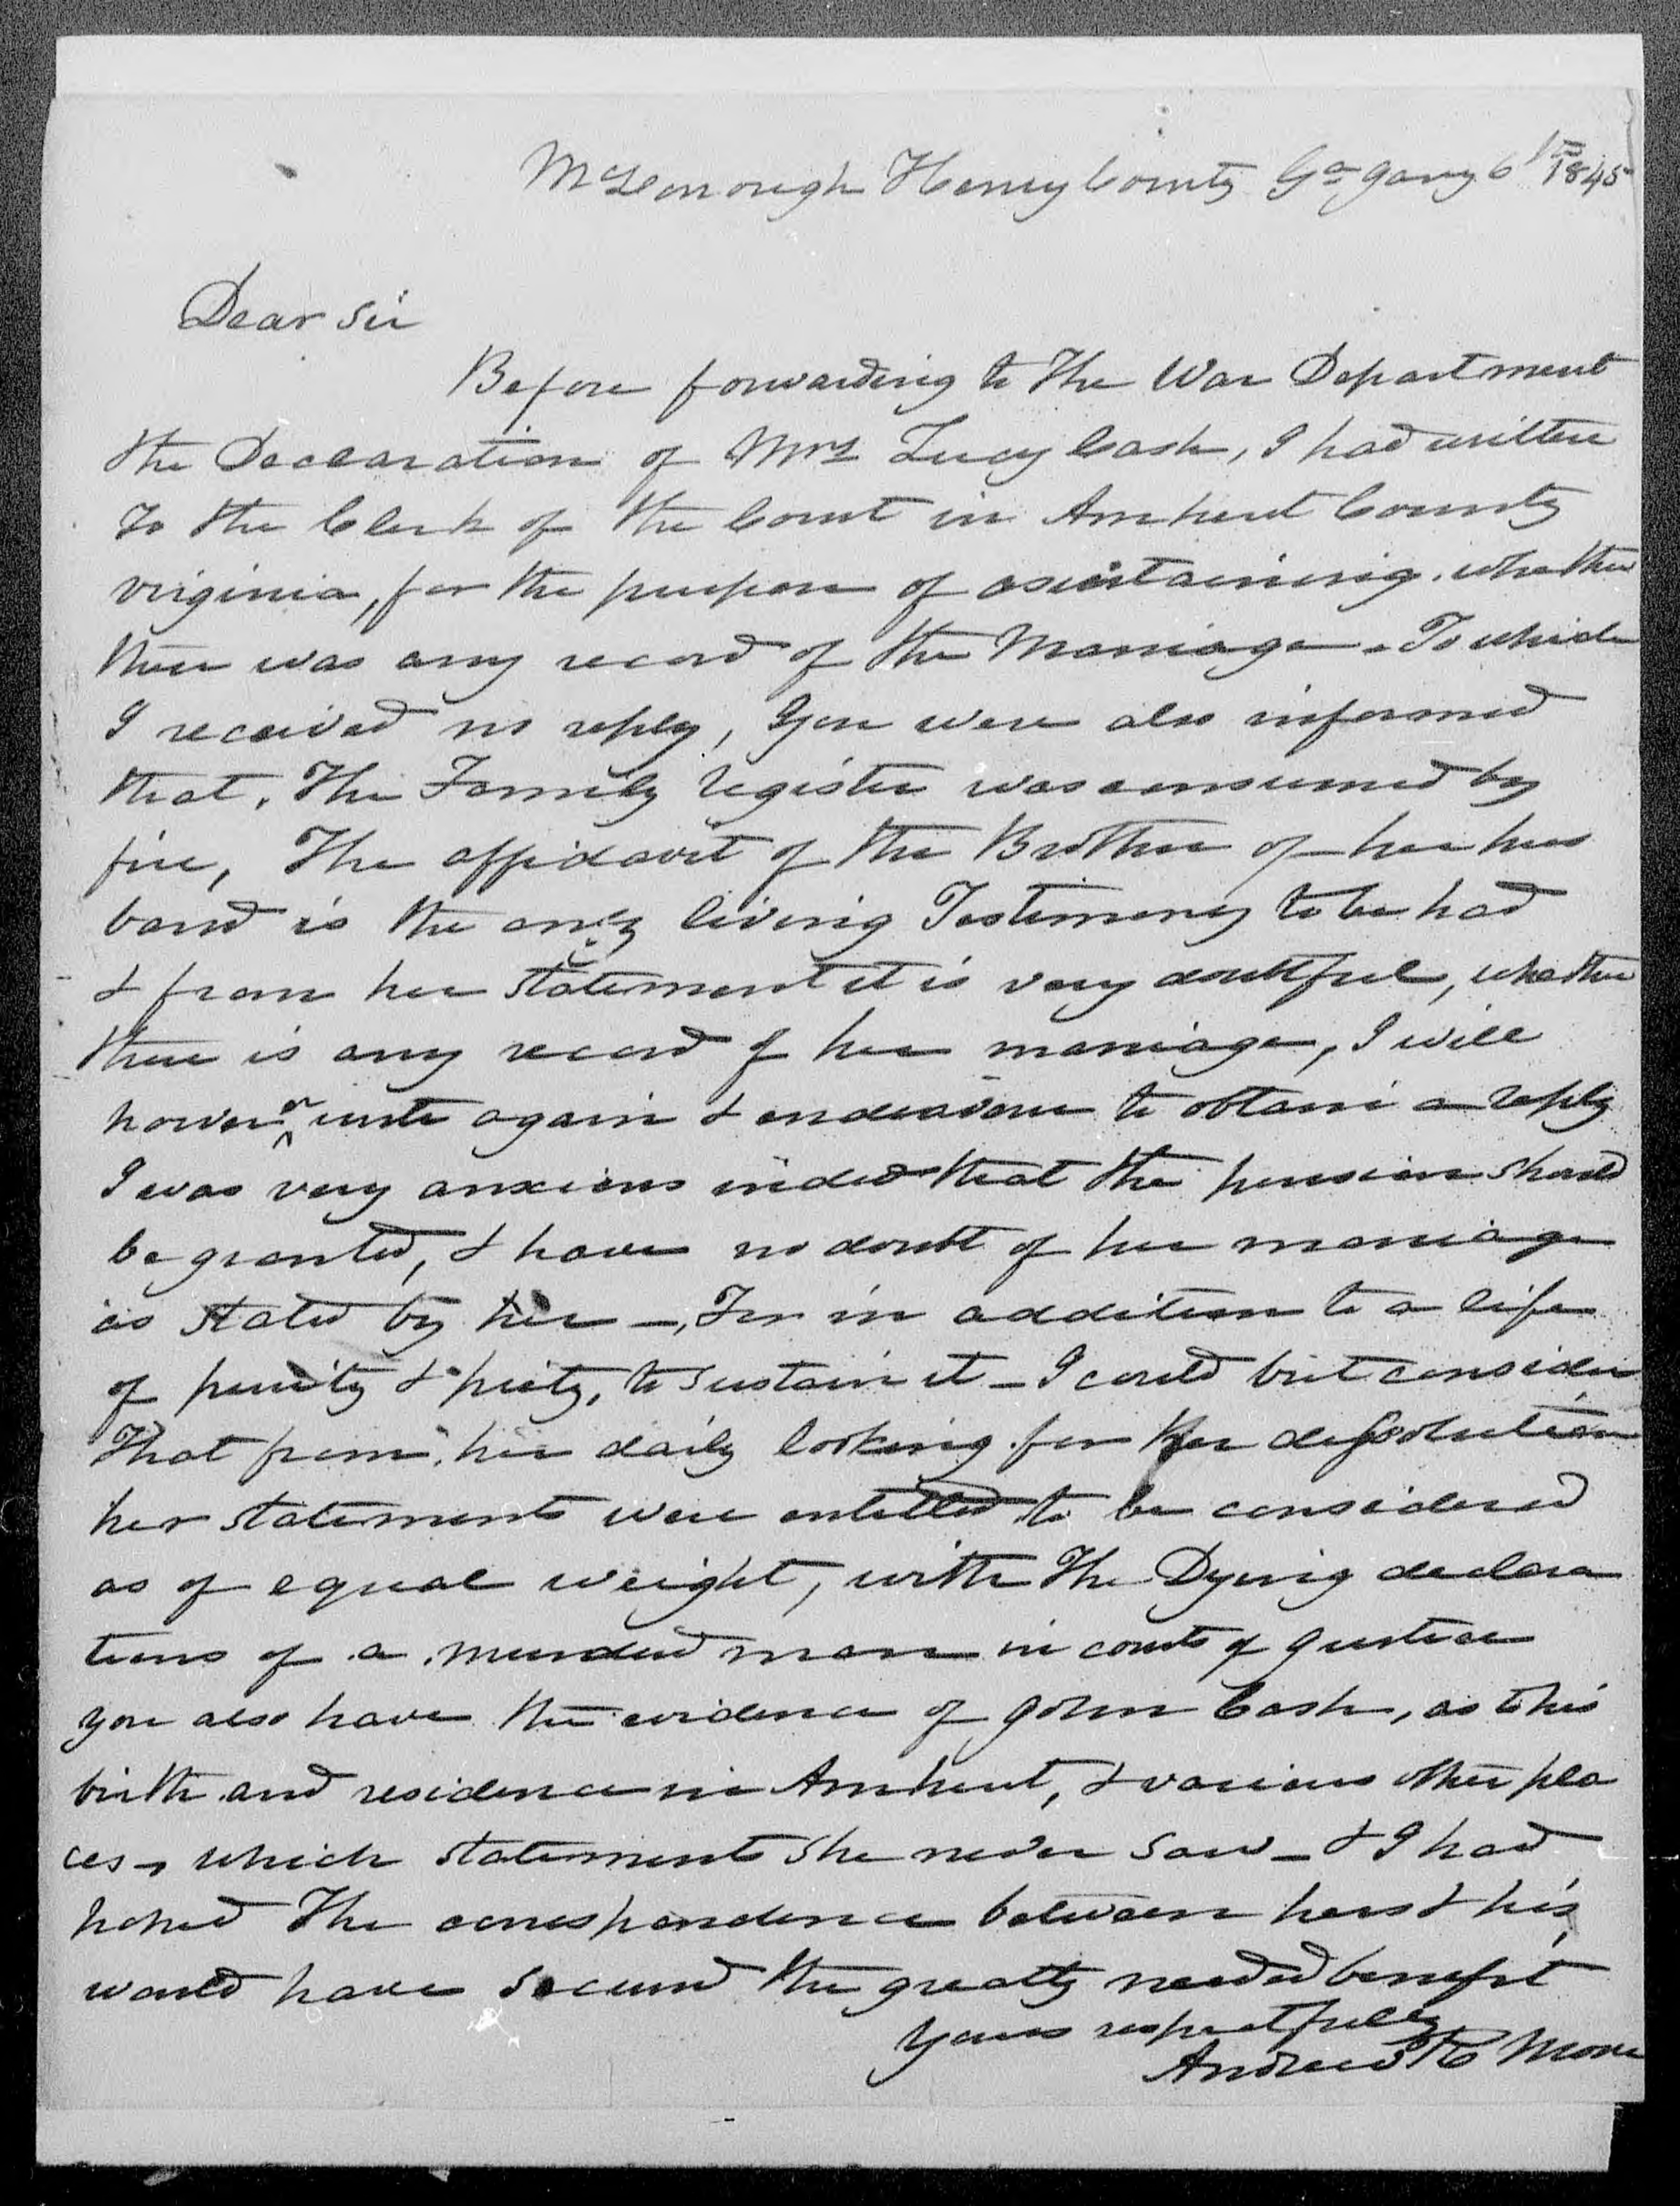McDonough Henry County Ga Jany 6th 1845
Dear Sir,
Before forwarding to the War Department the declaration of Mrs Lucy Cash, I had written To the Clerk of the Court in Amherst County
Virginia, for the purpose of ascertaining, whether there was any record of the Marriage. To which I received no reply. You were also informed that the family register was consumed by fire. The affidavit of the brother of her husband is the only living Testimony to be had and 
from her statement it is very doubtful, whether there is any record of her marriage.  I will however inquire again & endeavor to obtain a reply. 
I was very anxious indeed that the pension should be granted & have no doubt of her marriage as stated by her. For in addition to a life of purity & piety, to sustain it-- I could but consider That from his daily looking for her deposition her statements were entitled to be considered
as of equal weight, with the dying declaration of a _____ man in courts of Justice you also have the evidence of John Cash, as his birth and residence in Amherst & various other places , which statement she never saw and I had and the correspondence between hers his would have secured the greatly needed benefit.
yours respectfully
Andrew Moore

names: John Cash, Lucy Cash, Andrew R Moore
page: 51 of 73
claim: widow's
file: W. 5,894, John Cash, Va.